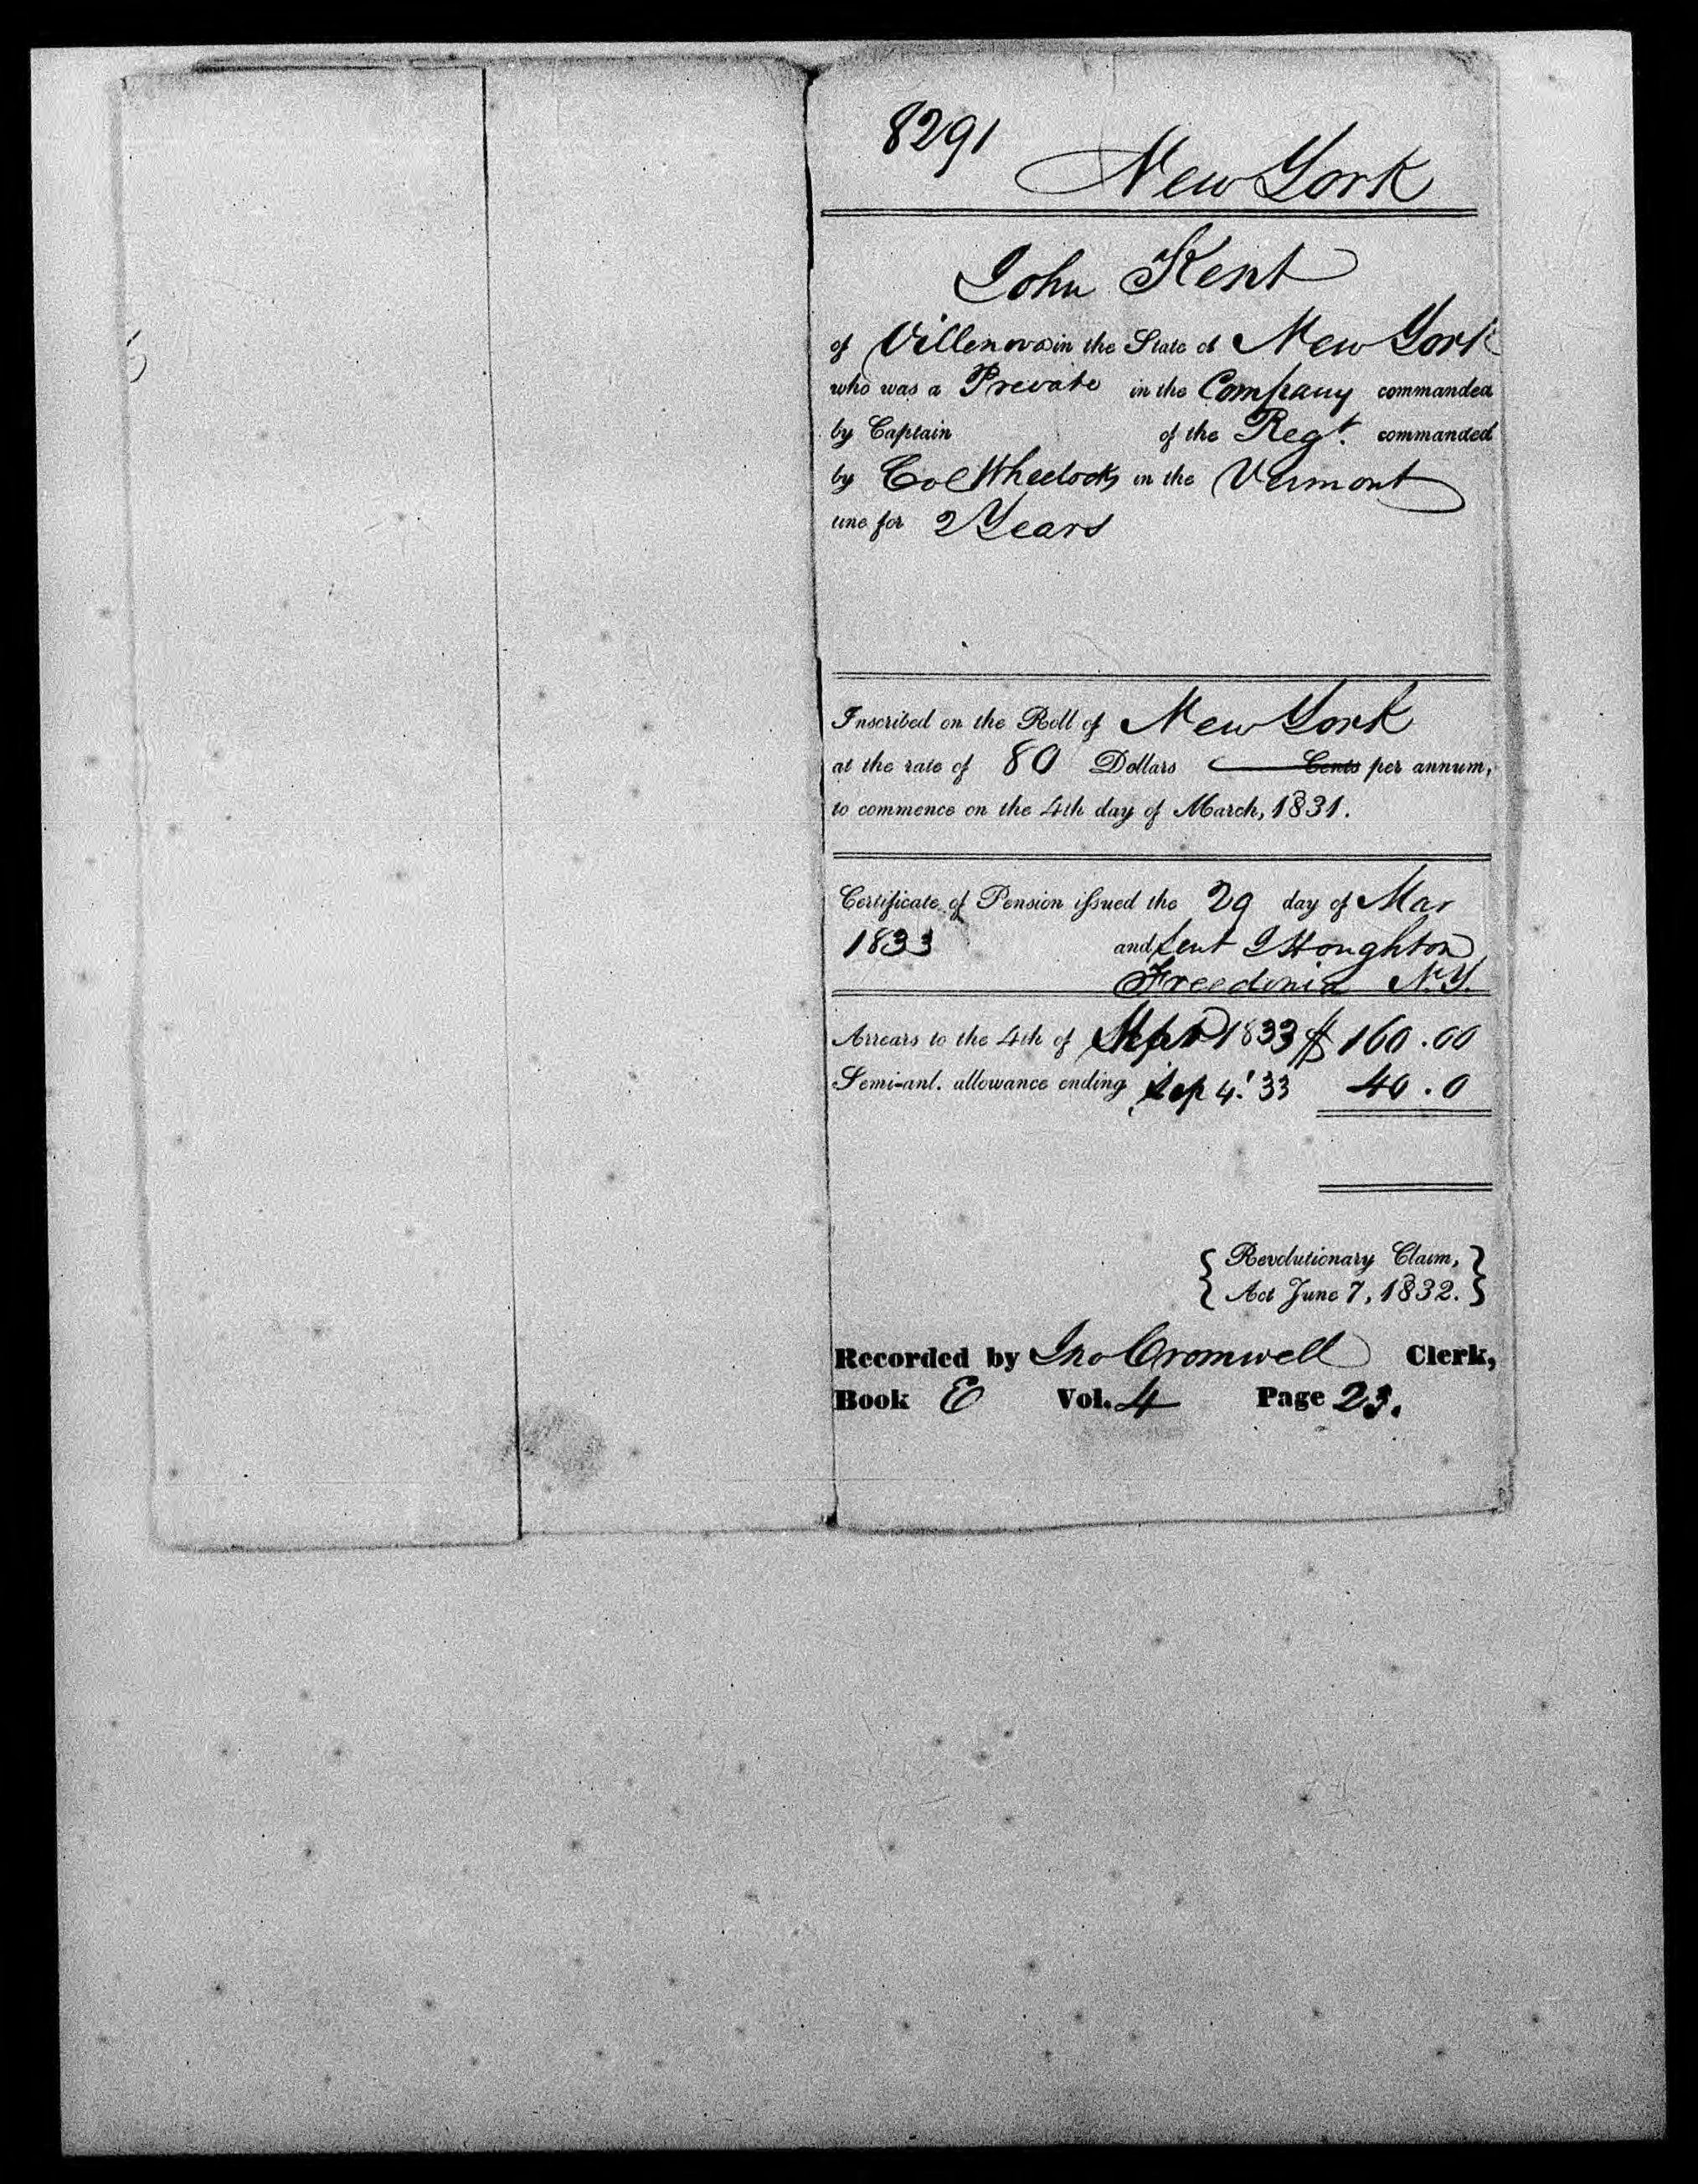8291      New York
=======
John Kent
of Villenova in the State of New  York 
who was a Private in the Company commanded by Captain [blank] of the Regt. commanded by Col Wheelock in the Vermont line for 2 years
=====
Inscribed on the Roll of New York
at the rate of 80 Dollars ----Cents per annum,
to commence on the 4th day of March, 1831.
=====
Certificate of Pension issued the 29 day of Mar
1833 and sent J Houghton  Freedonia N.Y.
======
Arrears to the 4th of Sept 1833 $10.00
Semi=anl. allowance ending Sep t. '33 40.00

{Revolutionary Claim}
{Act June 7, 1832}

Recorded by Jon Cromwell Clerk,
Book E  Vol. 4  Page 23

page: 3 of 50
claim: widow's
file: W. 4253, for John Kent, Vermont